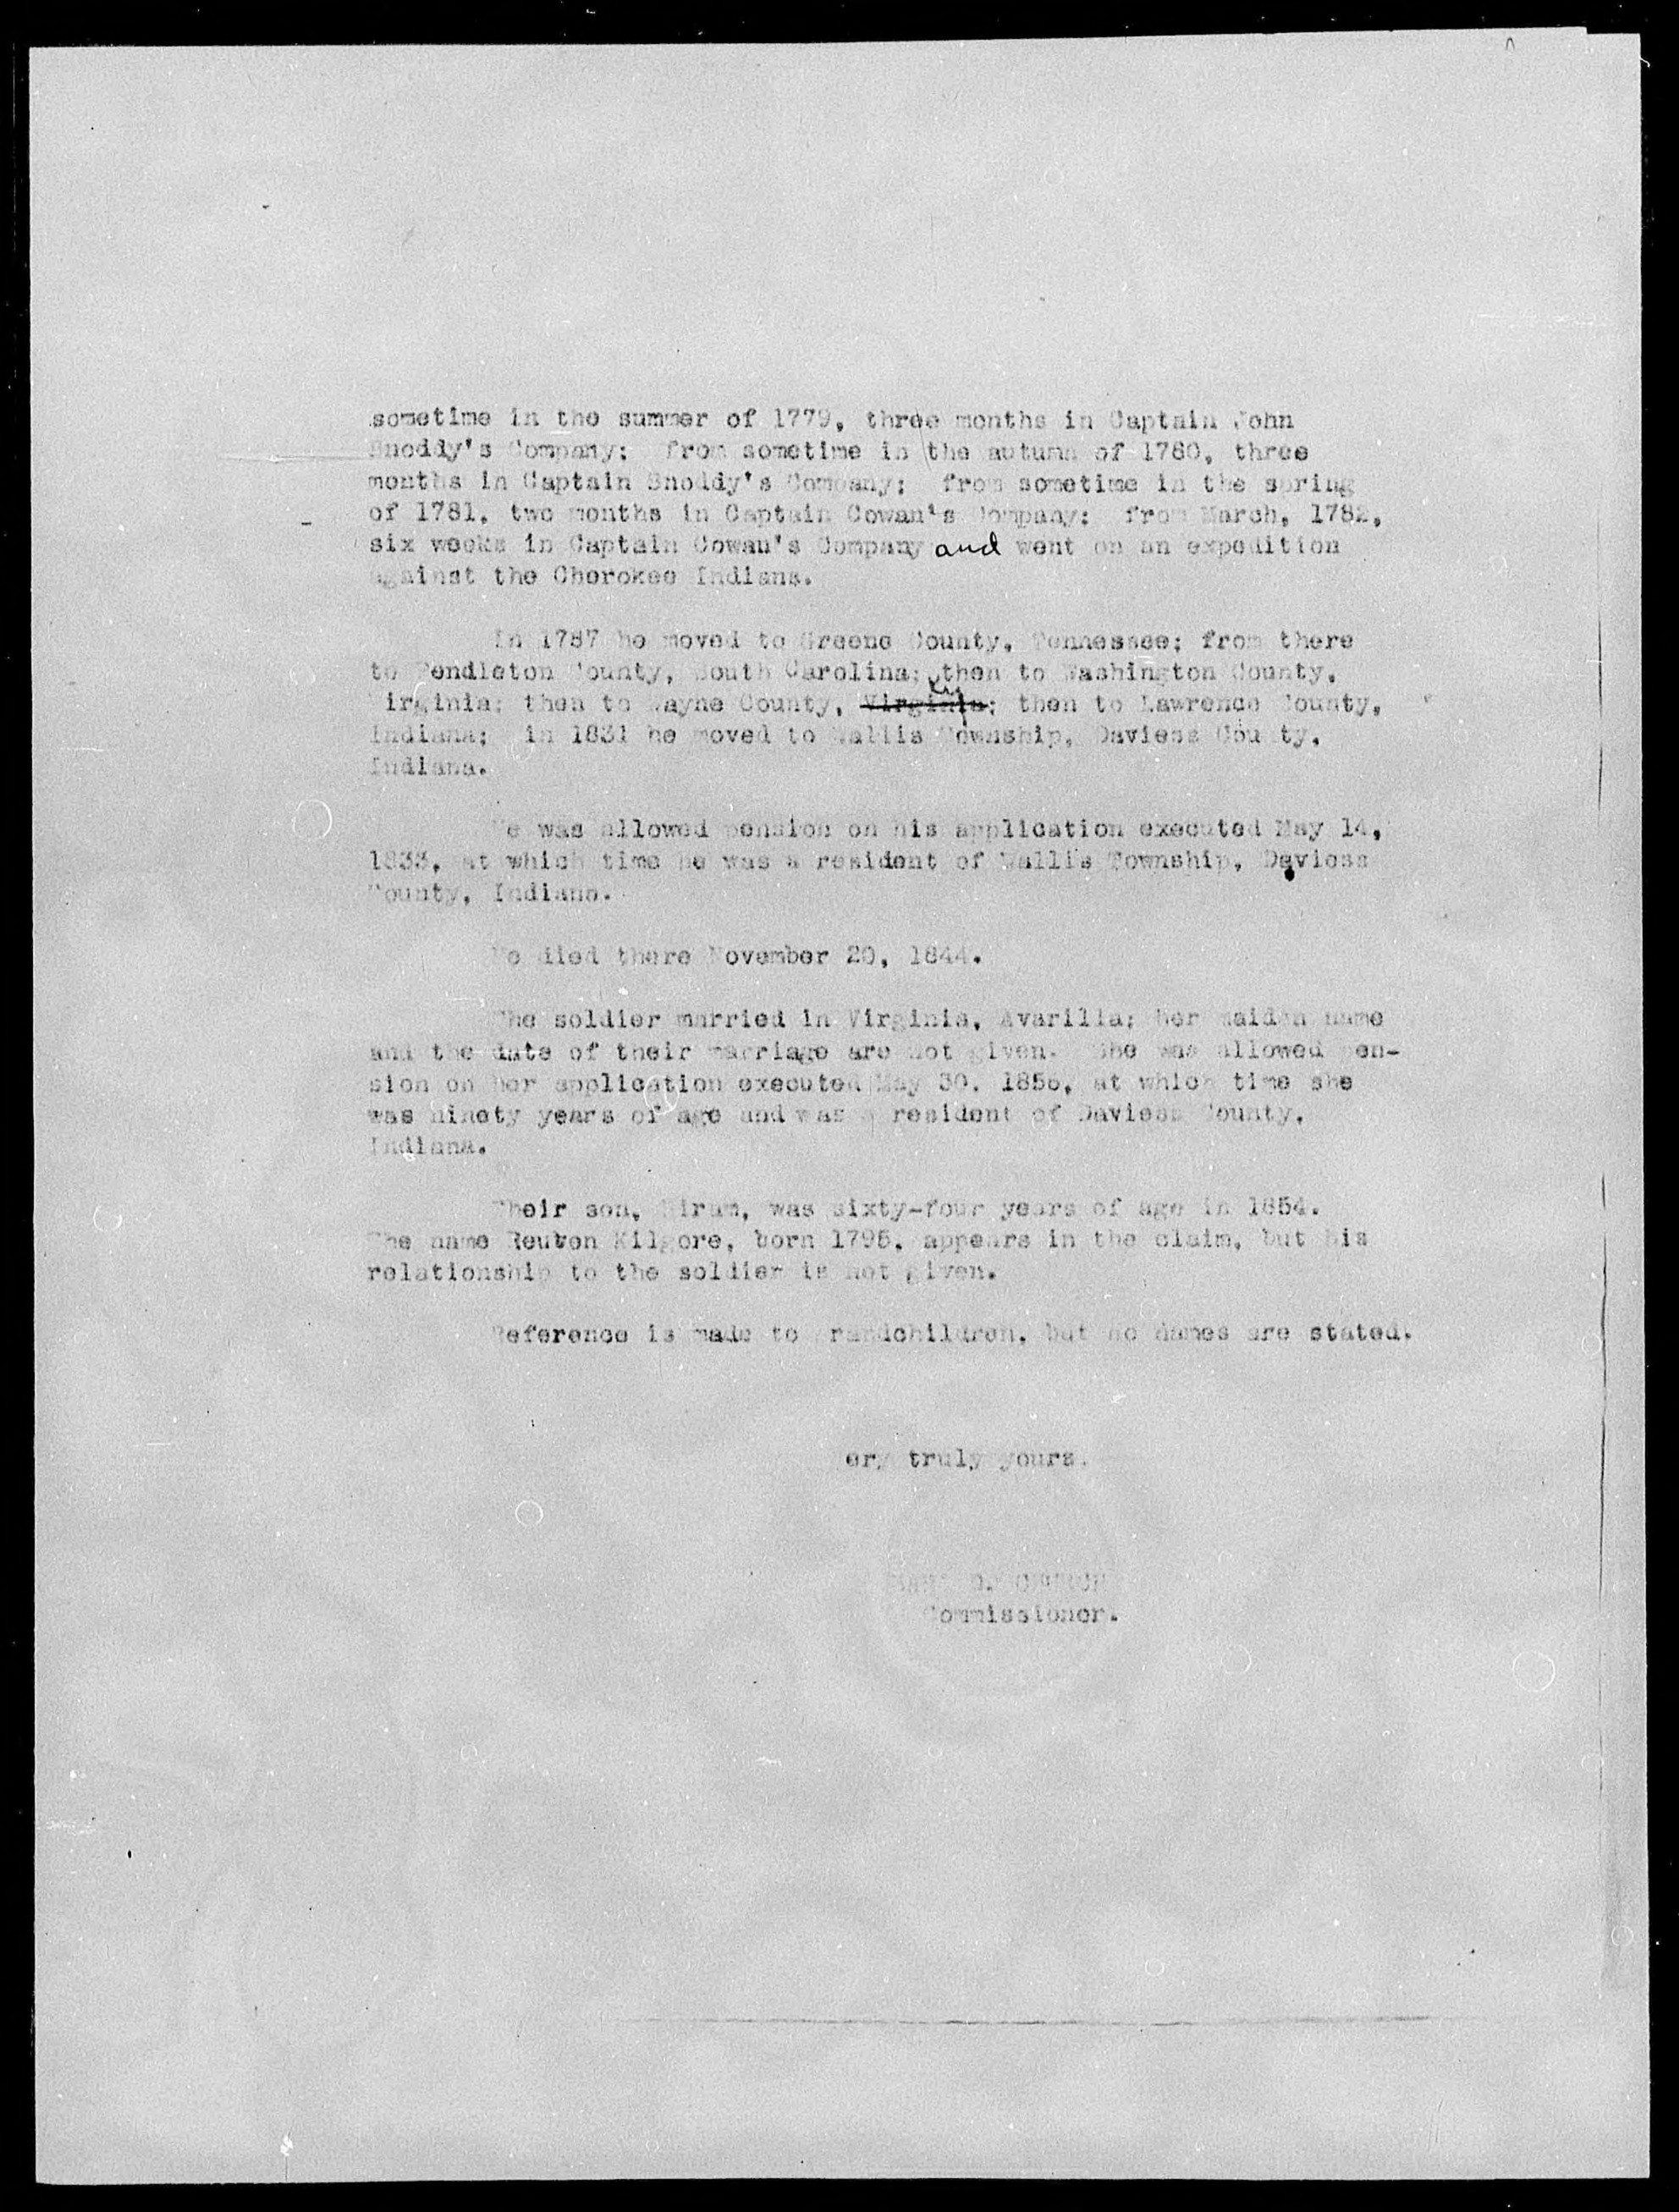sometime in the summer of 1779, three months in Captain John Snoddy's Company; from sometime in the autumn of 1780, three months in Captain Snoddy's Company: from sometime in the spring of 1781, two months in Captain Cowan's Company; from March, 1782, six weeks in Captain Cowan's Company, and went on an expedition against the Cherokee Indians.
In 1787 he moved to Greene County, Tennessee; from there to Pendleton County, South Carolina; then to Washington County, Virginia; then to Wayne County, [crossed out: Virginia] Ky; then to Lawrence County,
Indiana; in 1831 he moved to Wallis Township, Daviess County, Indiana.
He was allowed pension on his application executed May 14, 1833, at which time he was a resident of Wallis Township, Daviess County, Indiana.
He died there November 20, 1844.
The soldier married in Virginia, Amarilla, her maiden name and the date of their marriage are not given. She was allowed pension on her application executed May 30, 1856, at which time she was ninety years of age and was resident of Daviess County, Indiana.
Their son, Hiram, was sixty-four years of age in 1854. The name Reuben Kilgore, born 1795, appears in the claim, but his relationship to the soldier is not given.
Reference is made to Grandchildren, but no names are stated.
Very truly yours.
EARL D. CHURCH
Commissioner.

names: Reuben Kilgore; Earl D Church; Hiram [BLANK]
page: 27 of 115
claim: survivor's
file: S. 699, for Charles Kilgore, Virginia